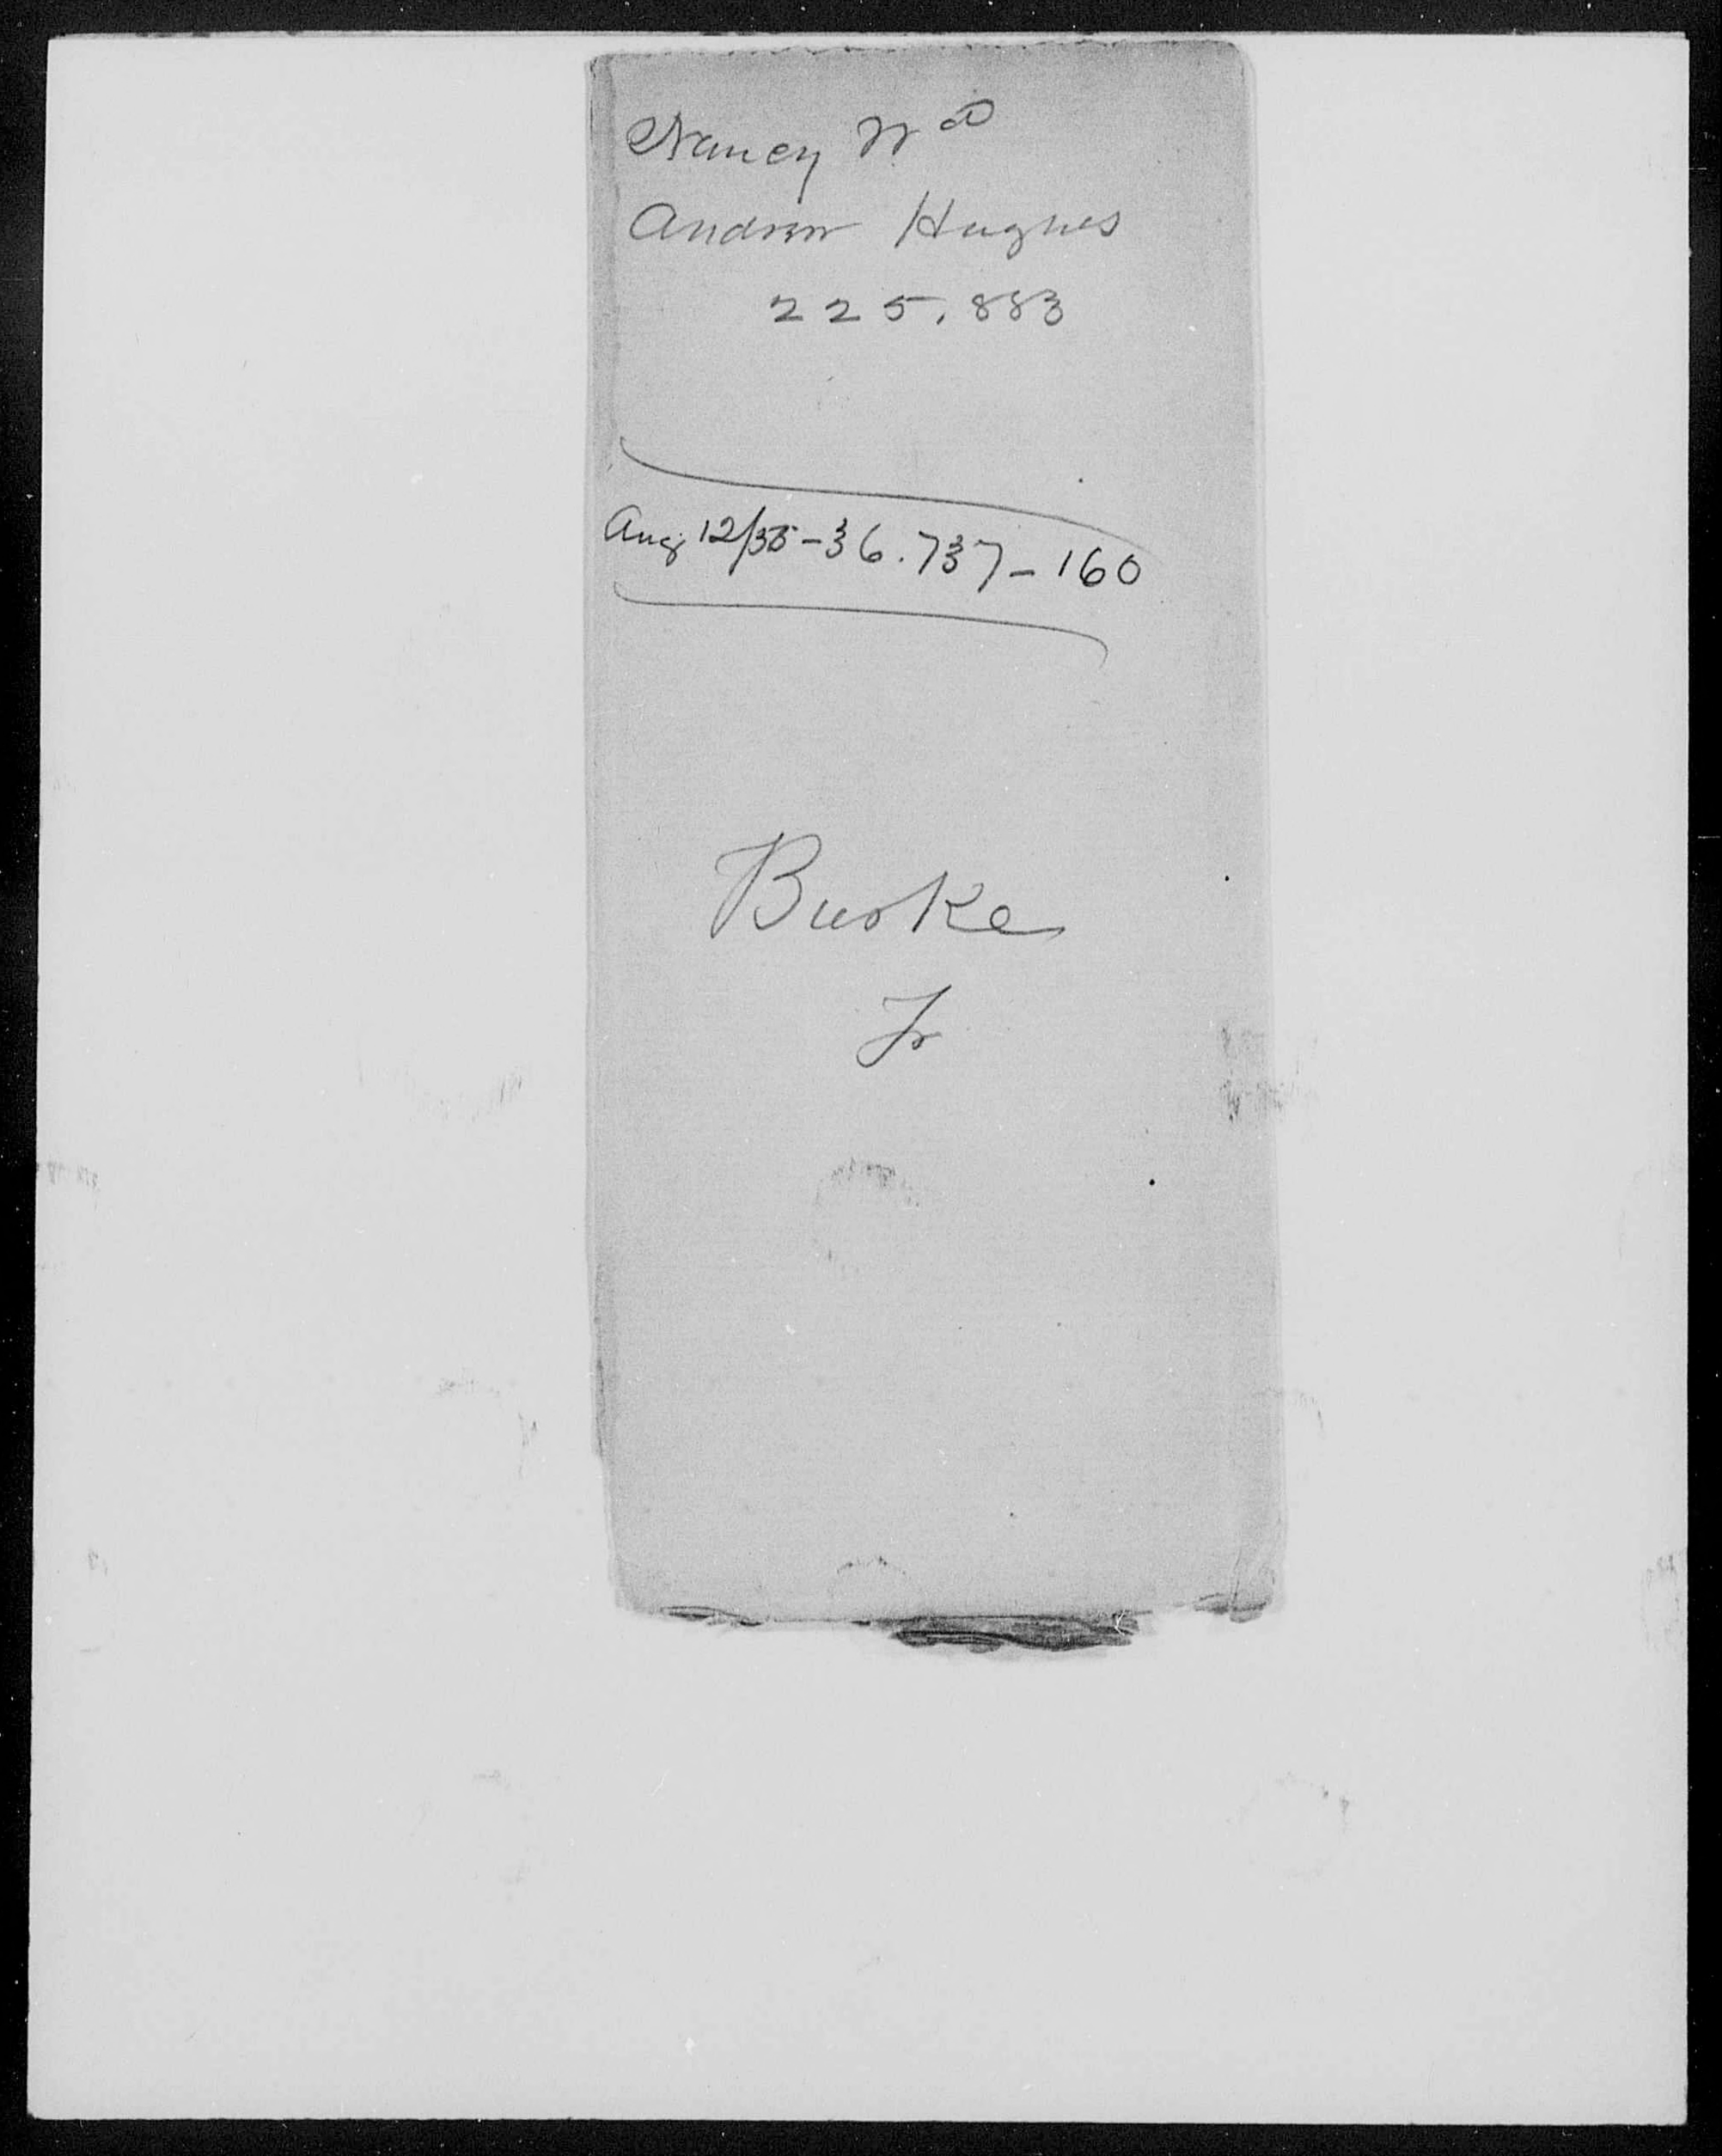Nancy Wd
Andrew Hughes
225.883
Aug 12/56 -36.737-160
Burke
Jr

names: Andrew Hughes, Burke, Nancy Hughes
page: 17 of 75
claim: widow's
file: W. 25805, Andrew Hughes, N.C.